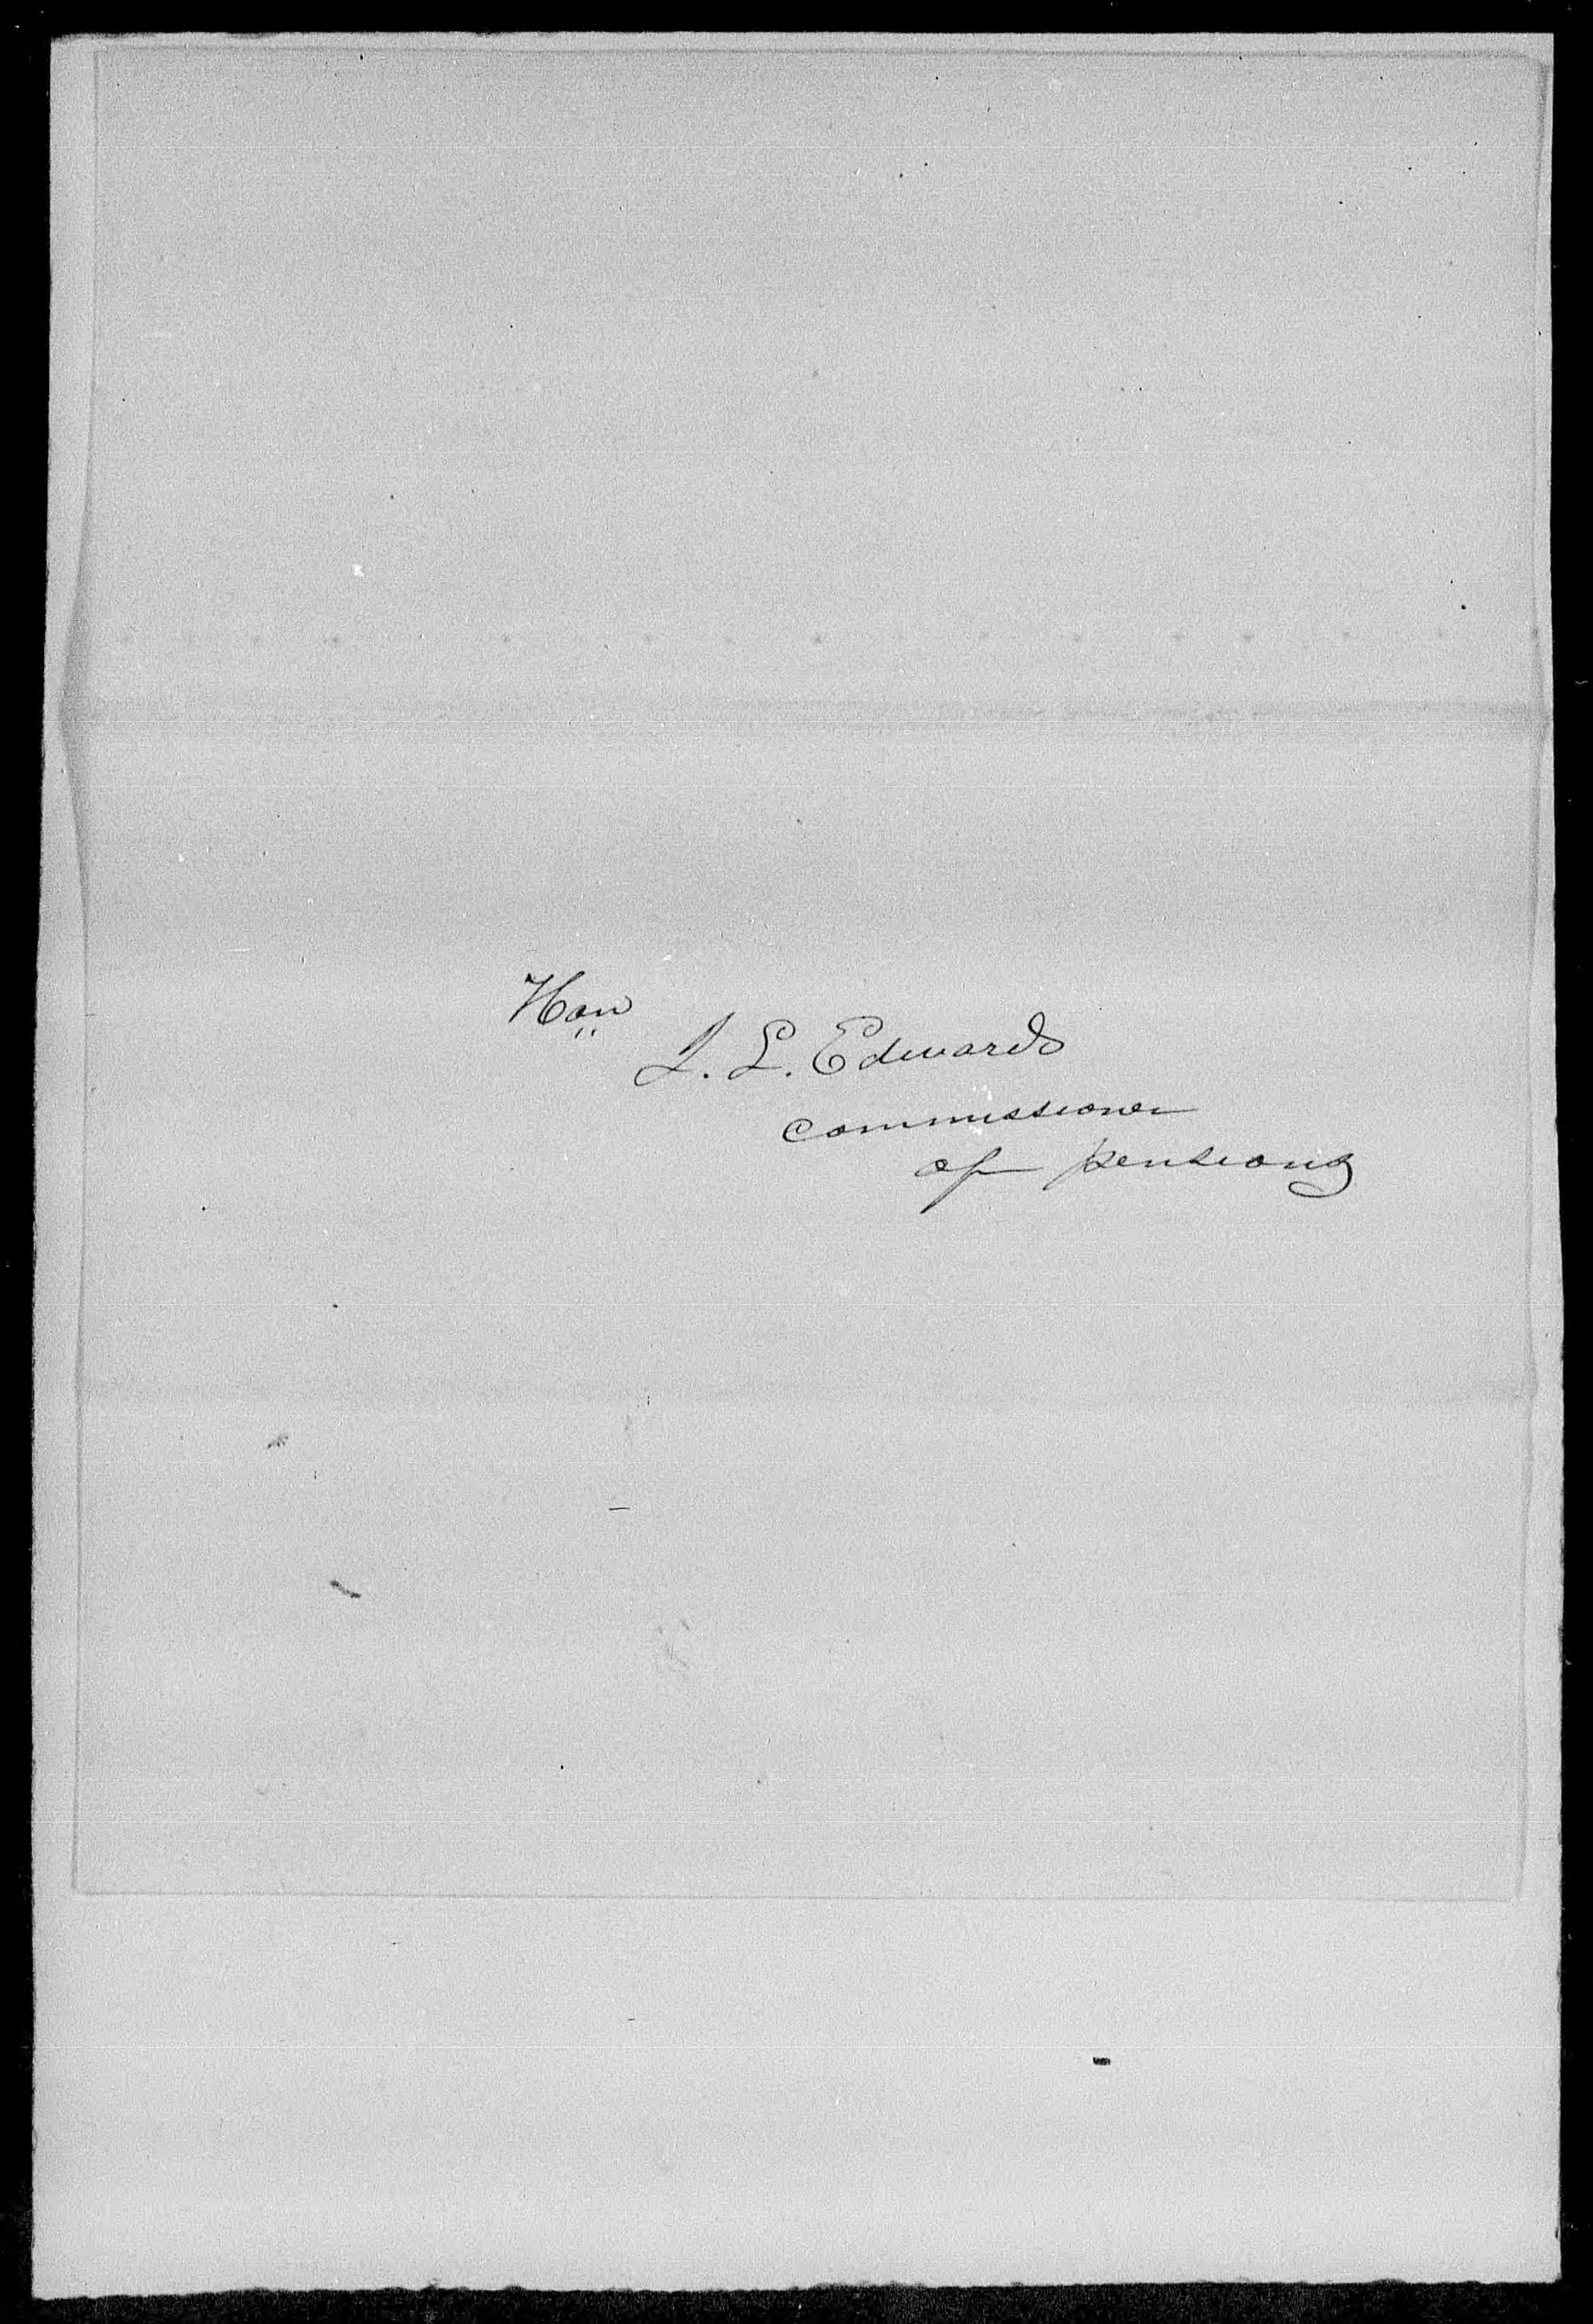Hon.
J. L. Edwards
Commissioner 
of Pensions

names: J L Edwards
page: 33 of 46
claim: widow's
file: W 8619, Jonathan Cowherd, Va.